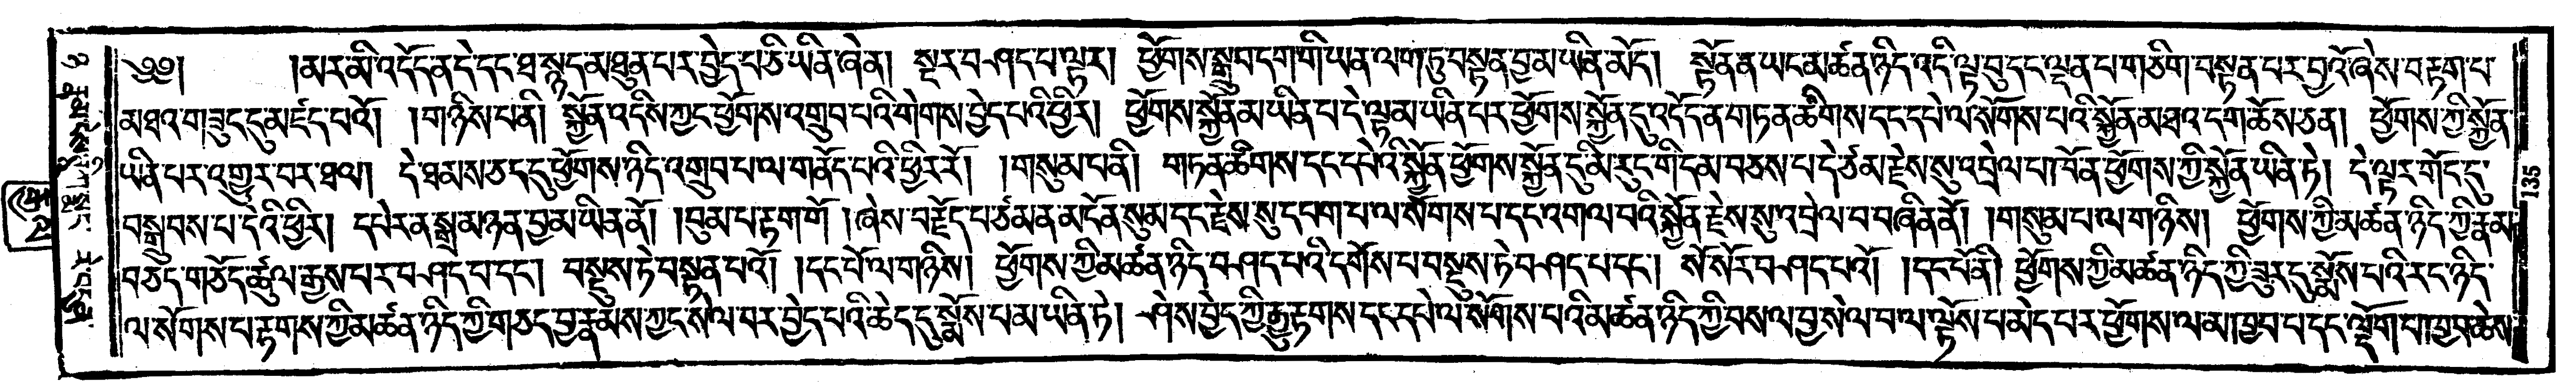༄༅། །མར་མི་འདོད་ན་དེ་དང་ཐ་སྙད་མཐུན་པར་བྱེད་པ་ཅི་ཡིན་ཞེ་ན། སྔར་བཤད་པ་ལྟར། ཕྱོགས་སྒྲུབ་དག་གི་ཡན་ལག་ཏུ་བསྟན་བྱ་མ་ཡིན་མོད། སྟོན་ན་ཡང་མཚན་ཉིད་འདི་ལྟ་བུ་དང་ལྡན་པ་གཅིག་བསྟན་པར་བྱའོ་ཞེས་བརྟག་པ་
མཐའ་གཟུང་དུ་མཛད་པའོ། །གཉིས་པ་ནི། སྐྱོན་འདིས་ཀྱང་ཕྱོགས་འགྲུབ་པའི་གེགས་བྱེད་པའི་ཕྱིར། ཕྱོགས་སྐྱོན་མ་ཡིན་པ་དེ་ལྟ་མ་ཡིན་པར་ཕྱོགས་སྐྱོན་དུ་འདོད་ན་གཏན་ཚིགས་དང་དཔེ་ལ་སོགས་པའི་སྐྱོན་མཐའ་དག་ཆོས་ཅན། ཕྱོགས་ཀྱི་སྐྱོན་
ཡིན་པར་འགྱུར་པར་ཐལ། དེ་ཐམས་ཅད་དུ་ཕྱོགས་ཉིད་འགྲུབ་པ་ལ་གནོད་པའི་ཕྱིར་རོ། །གསུམ་པ་ནི། གཏན་ཚིགས་དང་དཔེའི་སྐྱོན་ཕྱོགས་སྐྱོན་དུ་མི་རུང་གི་དམ་བཅས་པ་དེ་ཙམ་རྗེས་སུ་འབྲེལ་པ་ཁོ་ན་ཕྱོགས་ཀྱི་སྐྱོན་ཡིན་ཏེ། དེ་ལྟར་གོང་དུ་
བསྒྲུབས་པ་དེའི་ཕྱིར། དཔེར་ན་སྒྲ་མཉན་བྱ་མ་ཡིན་ནོ། །བུམ་པ་རྟག་གོ། །ཞེས་བརྗོད་པ་ཙམ་ན་མངོན་སུམ་དང་རྗེས་སུ་དཔག་པ་ལ་སོགས་པ་དང་འགལ་བའི་སྐྱོན་རྗེས་སུ་འབྲེལ་བ་བཞིན་ནོ། །གསུམ་པ་ལ་གཉིས། ཕྱོགས་ཀྱི་མཚན་ཉིད་ཀྱི་རྣམ་
བཅད་གཅོད་ཚུལ་རྒྱས་པར་བཤད་པ་དང་། བསྡུས་ཏེ་བསྟན་པའོ། །དང་པོ་ལ་གཉིས། ཕྱོགས་ཀྱི་མཚན་ཉིད་བཤད་པའི་དགོས་པ་བསྡུས་ཏེ་བཤད་པ་དང་། སོ་སོར་བཤད་པའོ། །དང་པོ་ནི། ཕྱོགས་ཀྱི་མཚན་ཉིད་ཀྱི་ཟུར་དུ་སྨོས་པའི་རང་ཉིད་
ལ་སོགས་པ་རྟགས་ཀྱི་མཚན་ཉིད་ཀྱི་གཅད་བྱ་རྣམས་ཀྱང་སེལ་བར་བྱེད་པའི་ཆེད་དུ་སྨོས་པ་མ་ཡིན་ཏེ། ཤེས་བྱེད་ཀྱི་རྒྱུ་རྟགས་དང་དཔེ་ལ་སོགས་པའི་མཚན་ཉིད་ཀྱི་བསལ་བྱ་སེལ་བ་ལ་ལྟོས་པ་མེད་པར་ཕྱོགས་ལ་མ་ཁྱབ་པ་དང་ལྡོག་པ་ཁྱབ་ཆེས་